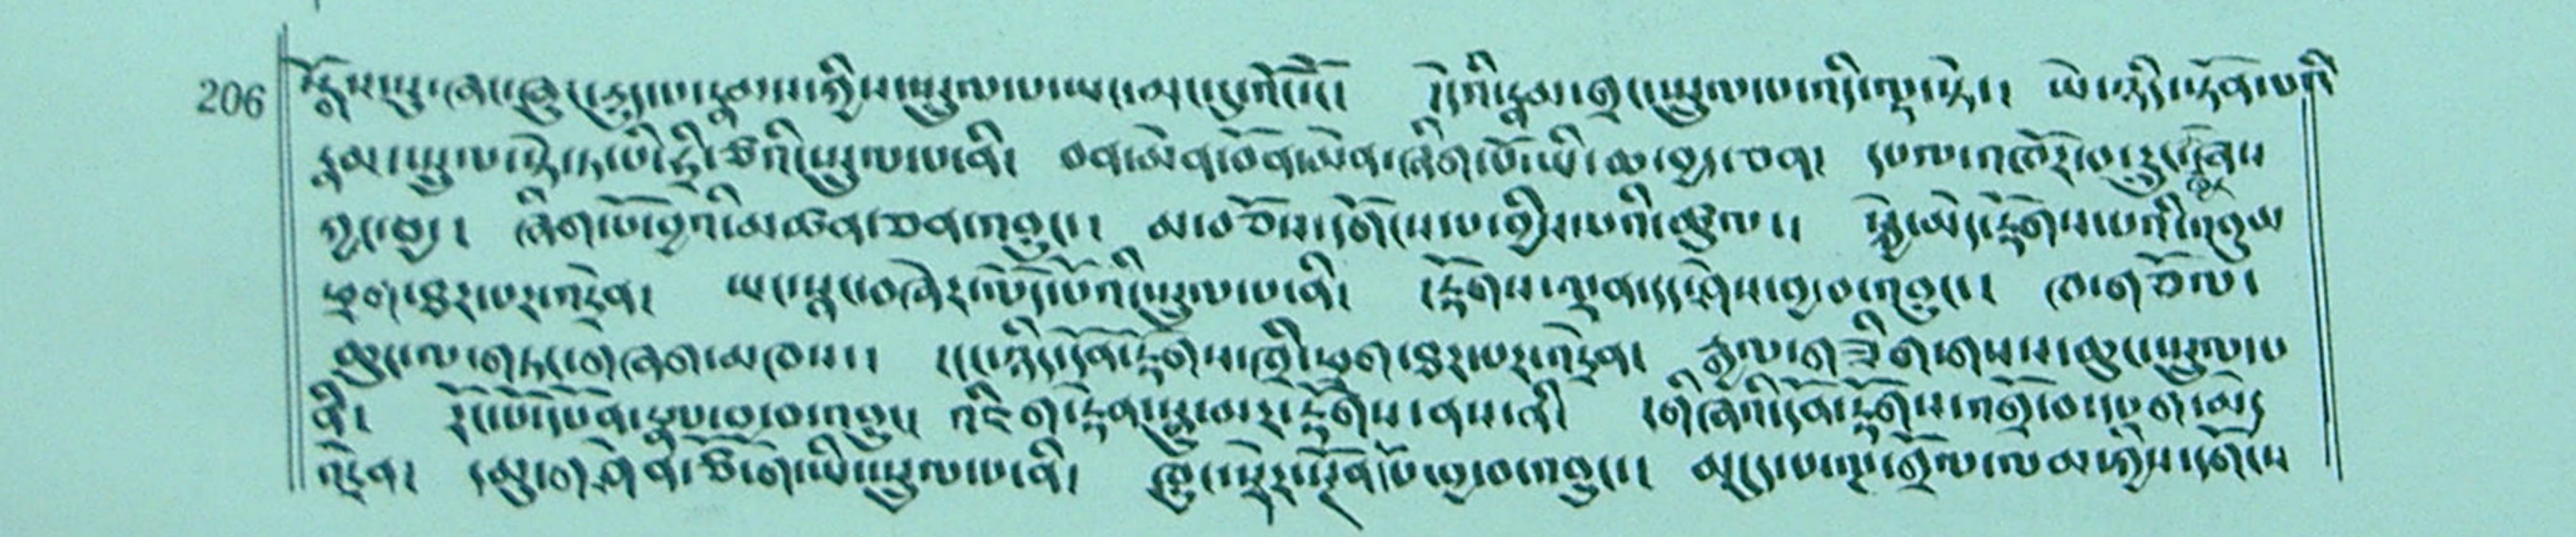སྒོས་སུ་ཞང་ཞུང་རྒྱུད་པ་རྣམས་ཀྱི་སྤྲུལ་པ་ཡང་མང་དུ་འབྱུང་འོང་ངོ་། །དེའི་རྣམ་གྲངས་སྤྲུལ་པ་འདི་ལྟ་སྟེ། ཡེ་ཉིད་སྟོན་པའི་
རྣམ་སྤྲུལ་ཏེ། ཏ་པི་ཧྲི་ཙའི་སྤྲུལ་པ་ནི། བན་མིན་བོན་མིན་ཞིག་པོ་ཡི་ཆ་བྱད་ཅན། དཔལ་འཁོར་བ་རླུང་ཁྱེར་ཞེས་
ཀྱང་བྱ། ཞིག་པོ་བྱ་བའི་མཚན་ཅན་འབྱུང་། མ་བཅོས་དགོངས་པ་བྱིས་པའི་ཚུལ། སྐྱེ་མེད་རྟོགས་པའི་འབུམ་
ཕྲག་ཐར་པར་འདྲེན། ཡང་སྣང་བཞེར་ལོད་པོའི་སྤྲུལ་པ་ནི། རྟོགས་ལྡན་དད་ཤེས་བྱ་བ་འབྱུང་། ཁ་གཅོལ་
ཆུང་ལ་གཏང་བཞག་མཁས། ངང་ཉིད་དོན་རྟོགས་ཁྲི་ཕྲག་ཐར་བར་འདྲེན། རྒྱལ་གཟིགས་གསས་ཆུང་སྤྲུལ་པ་
ནི། རོང་པོ་དཔོན་རྣལ་བྱ་བ་འབྱུང་། འཇིག་རྟེན་སྒྱུ་མར་རྟོགས་ནས་ནི། གཞི་ཡི་དོན་རྟོགས་འགྲོ་བ་དཔག་མེད་
འདྲེན། དམུ་གཤེན་ཙོ་གེ་ཡི་སྤྲུལ་པ་ནི། ཁྱུང་སྡེར་སྔོན་པོ་བྱ་བ་འབྱུང་། མདུད་པ་ལྔ་གྲོལ་ལམ་གྱིས་དགོངས་